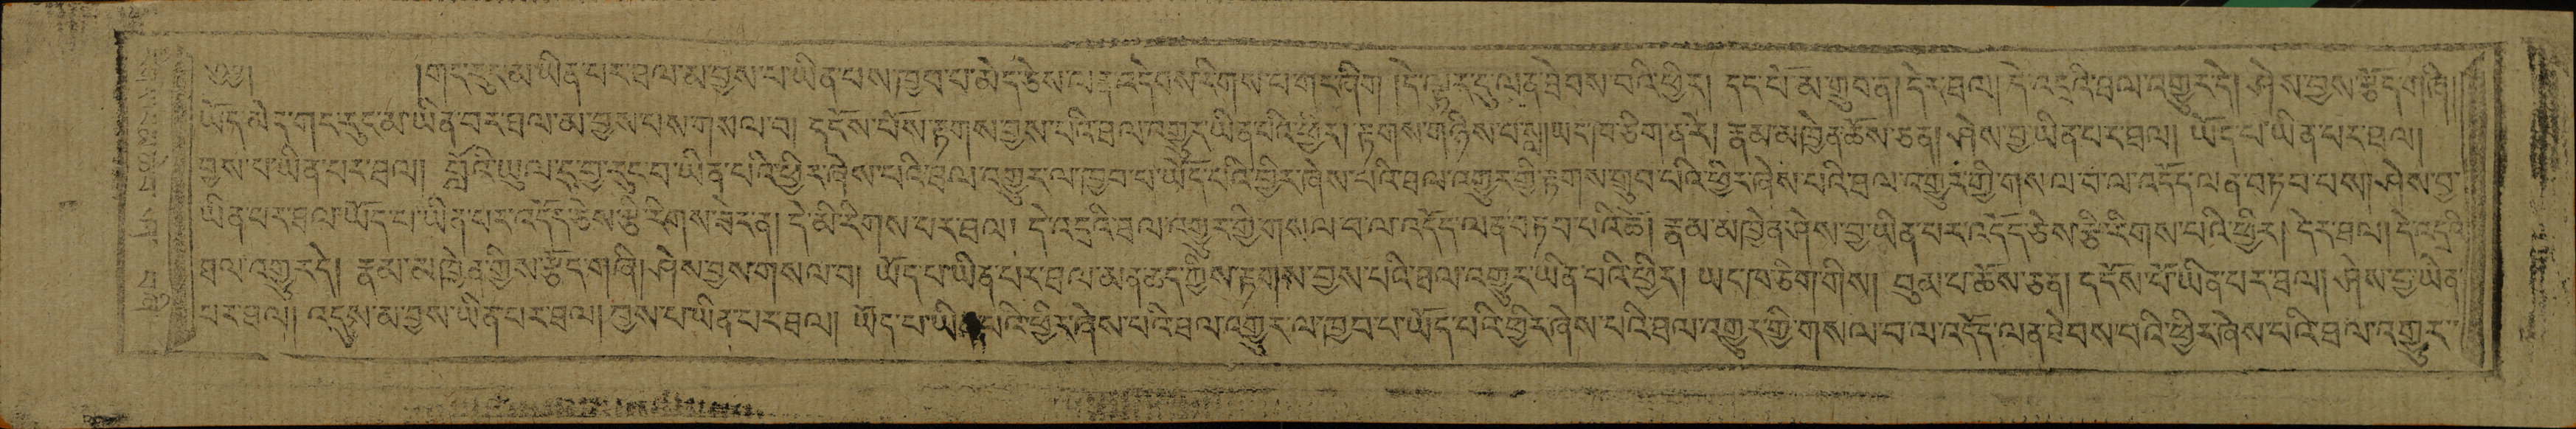༄༅། །གང་རུང་མ་ཡིན་པར་ཐལ་མ་བྱས་པ་ཡིན་པས་ཁྱབ་པ་མེད་ཅེས་ལན་འདེབས་རིགས་པ་གང་ཞིག །དེ་ལྟར་དུ་ལན་ཐེབས་པའི་ཕྱིར། དང་པོ་མ་གྲུབ་ན། དེར་ཐལ། དེ་འདྲའི་ཐལ་འགྱུར་དེ། ཤེས་བྱས་རྩོད་གཞི།
ཡོད་མེད་གང་རུང་མ་ཡིན་པར་ཐལ་མ་བྱས་པས་གསལ་བ། དངོས་པོས་རྟགས་བྱས་པའི་ཐལ་འགྱུར་ཡིན་པའི་ཕྱིར། རྟགས་གཉིས་པ་སླ། ཡང་ཁ་ཅིག་ན་རེ། རྣམ་མཁྱེན་ཆོས་ཅན། ཤེས་བྱ་ཡིན་པར་ཐལ། ཡོད་པ་ཡིན་པར་ཐལ།
བྱས་པ་ཡིན་པར་ཐལ། བློའི་ཡུལ་དུ་བྱ་རུང་བ་ཡིན་པའི་ཕྱིར་ཞེས་པའི་ཐལ་འགྱུར་ལ་ཁྱབ་པ་ཡོད་པའི་བྱིར་ཞེས་པའི་ཐལ་འགྱུར་གྱི་རྟགས་གྲུབ་པའི་ཕྱིར་ཞེས་པའི་ཐལ་འགྱུར་གྱི་གསལ་བ་ལ་འདོད་ལན་བཏབ་པས། ཤེས་བྱ་
ཡིན་པར་ཐལ་ཡོད་པ་ཡིན་པར་འདོད་ཅེས་རྩི་རིགས་ཟེར་ན། དེ་མི་རིགས་པར་ཐལ། དེ་འདྲའི་ཐལ་འགྱུར་གྱི་གསལ་བ་ལ་འདོད་ལན་བཏབ་པའི་ཚེ། རྣམ་མཁྱེན་ཤེས་བྱ་ཡིན་པར་འདོད་ཅེས་རྩི་རིགས་པའི་ཕྱིར། དེར་ཐལ། དེ་འདྲའི་
ཐལ་འགྱུར་དེ། རྣམ་མཁྱེན་གྱིས་རྩོད་གཞི། ཤེས་བྱས་གསལ་བ། ཡོད་པ་ཡིན་པར་ཐལ་མན་ཆད་ཀྱིས་རྟགས་བྱས་པའི་ཐལ་འགྱུར་ཡིན་པའི་ཕྱིར། ཡང་ཁ་ཅིག་གིས། བུམ་པ་ཆོས་ཅན། དངོས་པོ་ཡིན་པར་ཐལ། ཤེས་བྱ་ཡིན་
པར་ཐལ། འདུས་མ་བྱས་ཡིན་པར་ཐལ། བྱས་པ་ཡིན་པར་ཐལ། ཡོད་པ་ཡིན་པའི་ཕྱིར་ཞེས་པའི་ཐལ་འགྱུར་ལ་ཁྱབ་པ་ཡོད་པའི་ཕྱིར་ཞེས་པའི་ཐལ་འགྱུར་གྱི་གསལ་བ་ལ་འདོད་ལན་ཐེབས་པའི་ཕྱིར་ཞེས་པའི་ཐལ་འགྱུར་